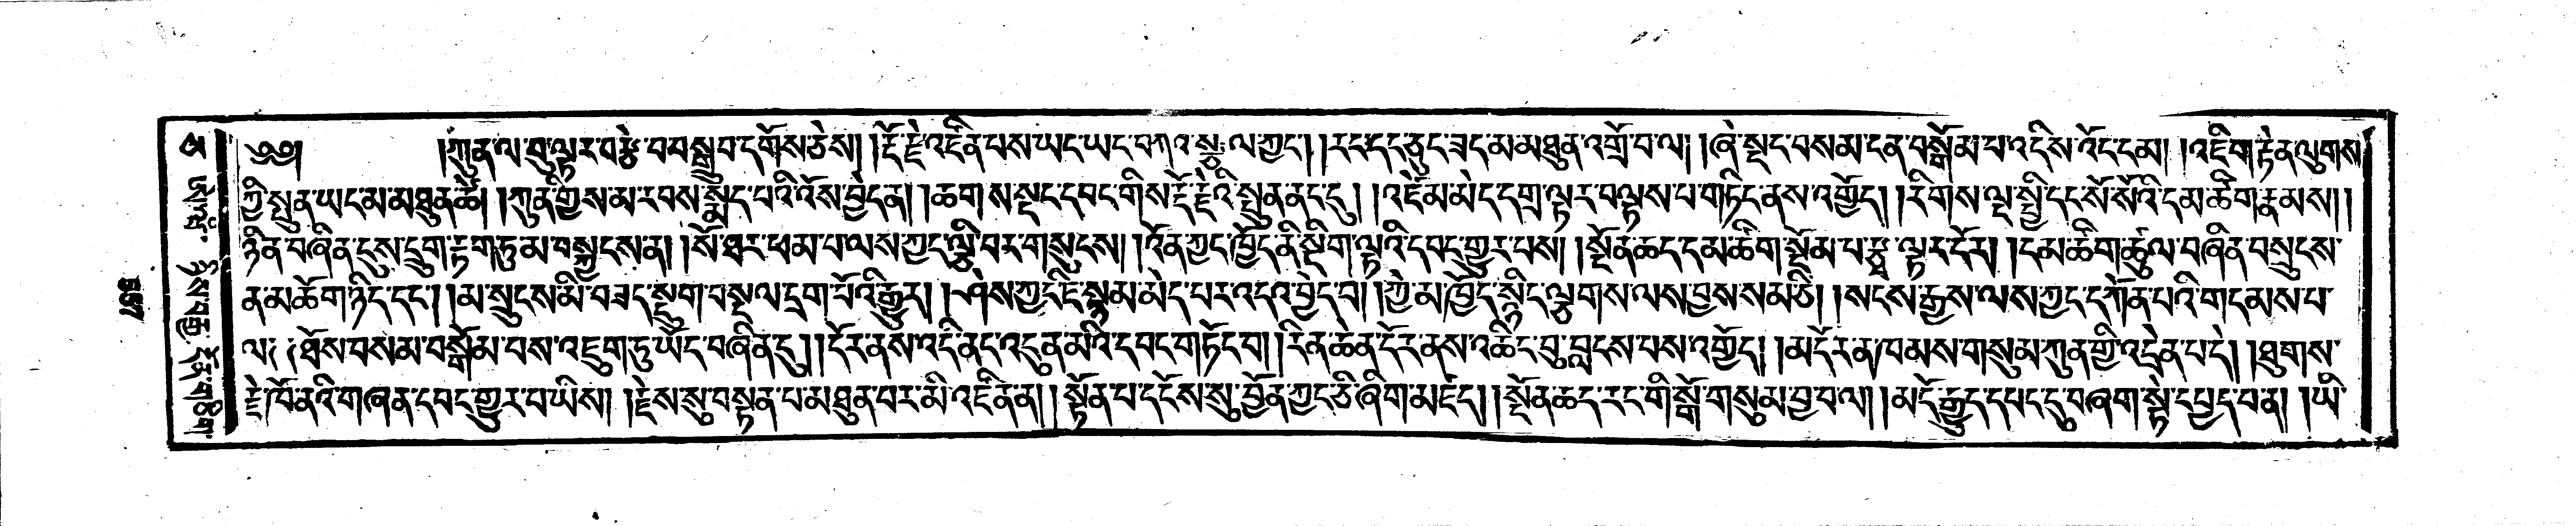༄༅། །ཀུན་ལ་བུ་ལྟར་བརྩེ་བ་བསྒྲུབ་དགོས་ཅེས། །རྡོ་རྗེ་འཛིན་པས་ཡང་ཡང་བཀའ་སྩལ་ཀྱང་། །རང་དང་ཅུང་ཟད་མ་མཐུན་འགྲོ་བ་ལ། །ཞེ་སྡང་བསམ་ངན་བསྒོམ་པ་འདིས་འོང་ངམ། །འཇིག་རྟེན་ལུགས་
ཀྱི་སྤུན་ཡང་མ་མཐུན་ཚེ། །ཀུན་གྱིས་མ་རབས་སྨད་པའི་འོས་བྱེད་ན། །ཆགས་སྡང་དབང་གིས་རྡོ་རྗེའི་སྤུན་ནང་དུ། །འཛེམ་མེད་དགྲ་ལྟར་བལྟས་པ་གཏིང་ནས་འགྱོད། །རིགས་ལྔ་སྤྱི་དང་སོ་སོའི་དམ་ཚིག་རྣམས།།
ཉིན་བཞིན་དུས་དྲུག་རྟག་ཏུ་མ་བསྐྱངས་ན། །སོ་ཐར་ཕམ་པ་ལས་ཀྱང་ལྕི་བར་གསུངས། །འོན་ཀྱང་ཁྱོད་ནི་སྡིག་ལྟའི་དབང་གྱུར་པས། །སྔོན་ཆད་དམ་ཚིག་སྡོམ་པ་རྩྭ་ལྟར་དོར། །དམ་ཚིག་ཚུལ་བཞིན་བསྲུངས་
ན་མཆོག་ཉིད་དང་། །མ་སྲུངས་མི་བཟད་སྡུག་བསྔལ་དྲག་པོའི་རྒྱུར། །ཤེས་ཀྱང་ཇི་སྙམ་མེད་པར་འདའ་བྱེད་པ། །ཀྱེ་མ་ཁྱོད་སྙིང་ལྕགས་ལས་བྱས་སམ་ཅི། །སངས་རྒྱས་ལས་ཀྱང་དཀོན་པའི་གདམས་པ་
ལ། །ཐོས་བསམ་བསྒོམ་པས་འཇུག་ཏུ་ཡོད་བཞིན་དུ། །དོར་ནས་འདི་ནང་འདུན་མའི་དབང་གཏོང་བ། །རིན་ཆེན་དོར་ནས་འཆིང་བུ་བླངས་པས་འགྱོད། །མདོར་ན་ཁམས་གསུམ་ཀུན་གྱི་འདྲེན་པ་དེ། །ཐུགས་
རྗེ་ཁོ་ནའི་གཞན་དབང་གྱུར་པ་ཡིས། །རྗེས་སུ་བསྟན་པ་མཐུན་པར་མི་འཛིན་ན། །སྟོན་པ་དངོས་སུ་བྱོན་ཀྱང་ཅི་ཞིག་མཛད། །སྔོན་ཆད་རང་གི་སྒོ་གསུམ་བྱ་བ་ལ། །མདོ་རྒྱུད་དཔང་དུ་བཞག་སྟེ་དཔྱད་པ་ན། །ཡི་